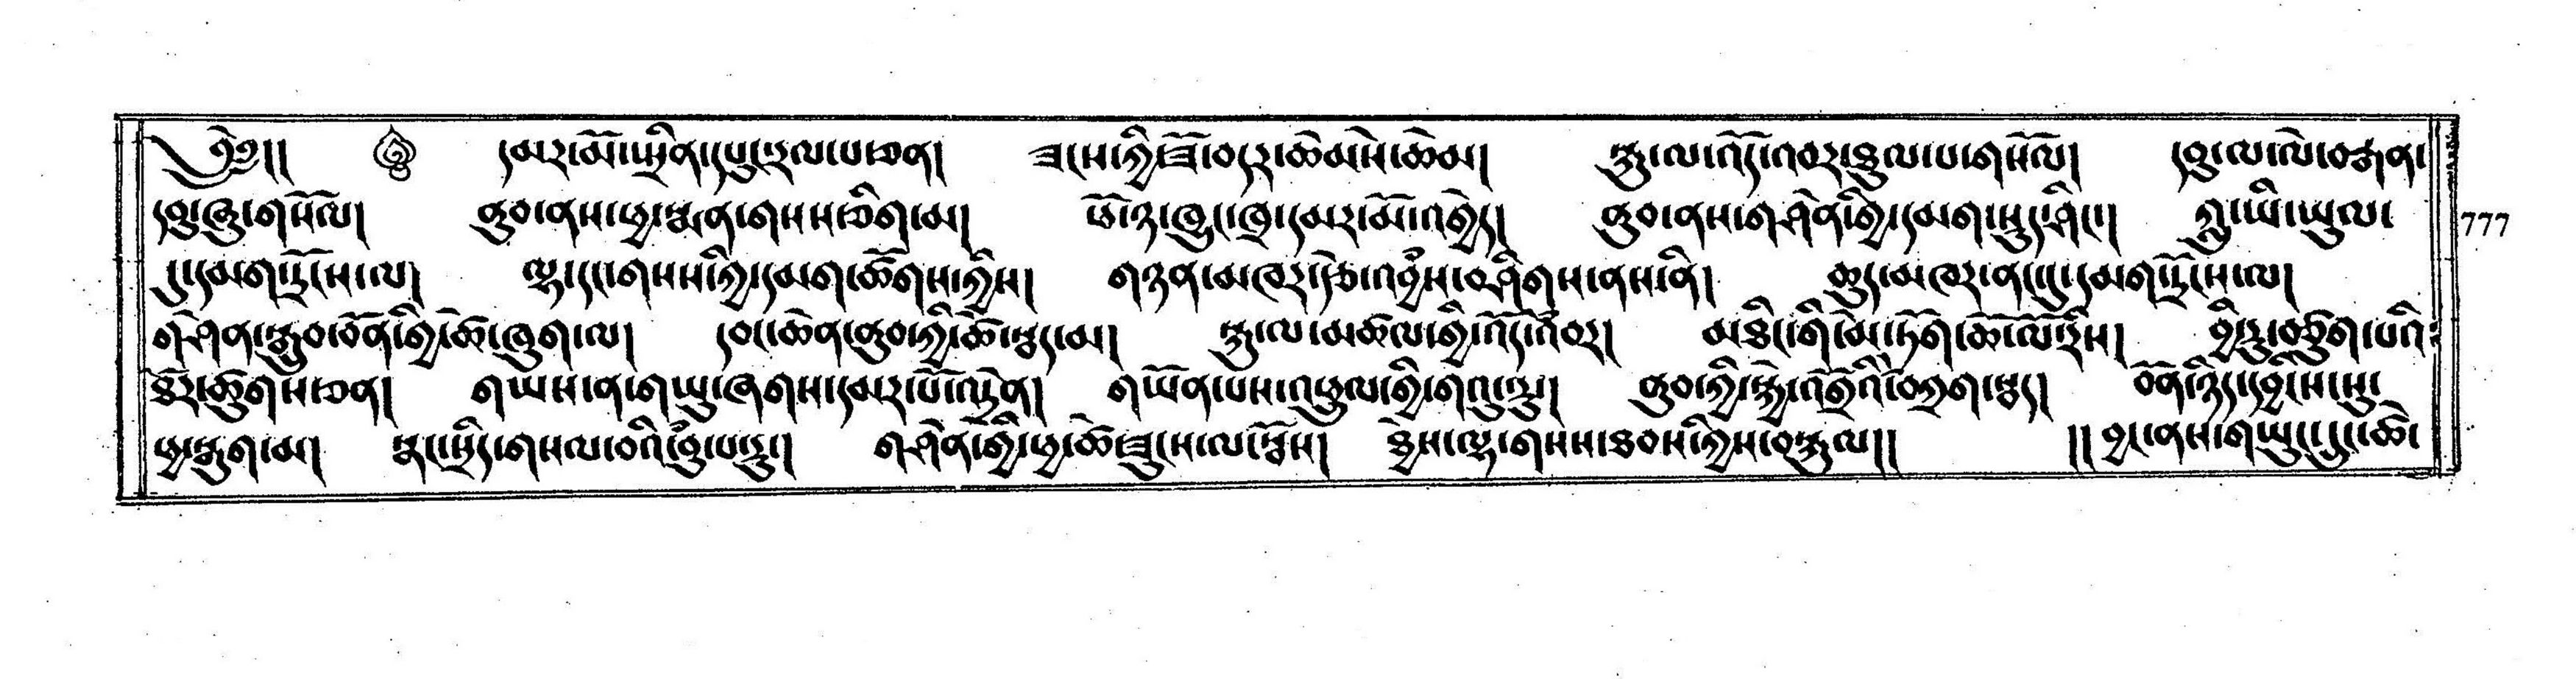དམར་མོ་སྤྲིན་དཔུང་རལ་པ་ཅན། ཟངས་ཀྱི་ཟོ་བདར་ཆེམས་སེ་ཆེམ། སྐུ་ལ་འོད་འབར་ཐུལ་པ་གསོལ། དབུ་ལ་ལེ་བརྒན་
དབུ་ཞུ་གསོལ། ནུབ་ནས་ཕྱ་སྨན་གསས་ཅིག་མ། ཕོ་ཉ་ཁྱུང་ཁྲ་དམར་མོ་འགྱེད། ནུབ་ནས་གཤེན་གྱི་དམག་སྡུད་ཤིང་། ཀླུ་ཡི་ཡུལ་
དུ་དམག་དྲོངས་ལ། ལྷ་དང་གསས་ཀྱི་དམག་ཚོགས་ཀྱིས། གཉན་མཁར་རྩེ་འབྱམས་བཤིགས་ནས་ནི། ཆུད་མཁར་ནང་དུ་དམག་དྲོངས་ལ། 
གཤེན་སྒྲུབ་བོན་གྱི་ཚེ་ཁུག་ལ། དབང་ཆེན་ནུབ་ཀྱི་ཚེ་སྦད་མ། སྐུ་ལ་མཚལ་གྱི་འོད་མེ་འབར། མཐིང་གི་མེ་ཏོག་ཆོ་ལོ་རིས། བྱི་རུ་བཙུག་པའི་
ཐོར་ཚུགས་ཅན། གཡས་ན་གཡུ་ཞགས་དམར་པོ་འདྲེན། གཡོན་པས་འཕྲུལ་གྱི་གའུ་རུ། ནུབ་ཀྱི་སྐྱེ་འགྲོའི་ཚེ་བཀྲག་སྦད། བོན་ཉིད་དབྱིངས་སུ་
ཕྱ་སྒུག་མ། སྣང་སྲིད་གསལ་བའི་བུམ་པ་རུ། གཤེན་གྱི་ཕྱ་ཚེ་ཟུངས་ལ་སྦོས། ཐུགས་རྗེ་ལྷ་གསས་ཐབས་ཀྱིས་བསྐུལ།། །།བྱང་ནས་གཡུང་དྲུང་ཚེ་